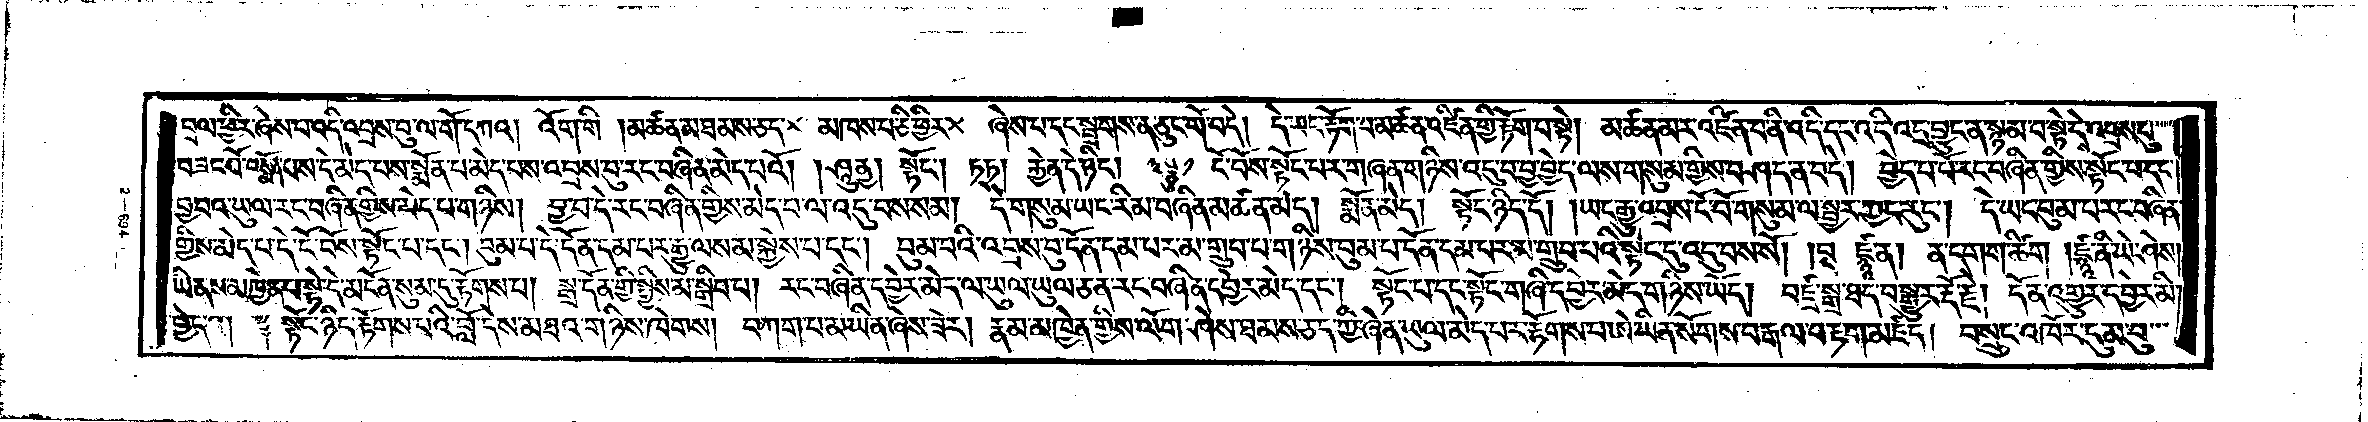བྲལ་ཕྱིར་ཞེས་པ་འདི་འབྲས་བུ་ལ་གོ་དཀའ། འོག་གི །མཚན་མ་ཐམས་ཅད་྾་མཁས་པ་ཅི་ཕྱིར་྾་ཞེས་པ་དང་སྦྲགས་ན་ཅུང་གོ་བདེ། དེ་ཡང་རྟོག་པ་མཚན་འཛིན་གྱི་རྟོག་པ་སྟེ། མཚན་མར་འཛིན་བ་ནི་འདི་དང་འདི་འདྲ་བྱུང་ན་སྙམ་པ་སྟེ་དེས་འབྲས་བུ་
བཟང་པོ་བསྨོན་པས་དེ་མེད་པས་སྨོན་པ་མེད་པས་འབྲས་བུ་རང་བཞིན་མེད་པའོ། །ཤཱུ་ནྱ། སྟོང་། ཏཏྲ། རྐྱེན་དེ་ཉིད། ༣༥༡ན༦་ངོ་བོས་སྟོང་པར་གཞན་གཉིས་འདུ་བ་བྱ་བྱེད་ལས་གསུམ་གྱིས་བཤད་ན་བདེ། བྱེད་པ་པོ་རང་བཞིན་གྱིས་སྟོང་པ་དང་
བྱ་བའི་ཡུལ་རང་བཞིན་གྱིས་མེད་པ་གཉིས། བྱ་བ་དེ་རང་བཞིན་གྱིས་མེད་པ་ལ་འདུ་བས་སམ། དེ་གསུམ་ཡང་རིམ་བཞིན་མཚན་མེད། སྨོན་མེད། སྟོང་ཉིད་དོ། །ཡང་རྒྱུ་འབྲས་ངོ་བོ་གསུམ་ལ་སྦྱར་ཀྱང་རུང་། དེ་ཡང་བུམ་པ་རང་བཞིན་
གྱིས་མེད་པ་དེ་ངོ་བོས་སྟོང་པ་དང་། བུམ་པ་དེ་དོན་དམ་པར་རྒྱུ་ལས་མ་སྐྱེས་པ་དང་། བུམ་པའི་འབྲས་བུ་དོན་དམ་པར་མ་གྲུབ་པ་གཉིས་བུམ་པ་དོན་དམ་པར་མ་གྲུབ་པའི་སྟེང་དུ་འདུ་བས་སོ། །བ༢་ཛྙཱ་ན། ན་དགག་ཚིག །ཛྙཱ་ནི་ཡེ་ཤེས།
ཡི་ནས་མཁྱེན་པ་སྟེ་དེ་མངོན་སུམ་དུ་རྟོགས་པ། སྒྲ་དོན་གྱི་སྤྱིས་མ་སྒྲིབ་པ། རང་བཞིན་དབྱེར་མེད་ལ་ཡུལ་ཡུལ་ཅན་རང་བཞིན་དབྱེར་མེད་དང་། སྟོང་པ་དང་སྟོང་གཞི་དབྱེར་མེད་གཉིས་ཡོད། བཛྲ་སྒྲ་ཐད་བསྒྱུར་རྡོ་རྗེ། དོན་འགྱུར་དབྱེར་མི་
བྱེད་པ༑ ༈ སྟོང་ཉིད་རྟོགས་པའི་བློ་དེས་མཐའ་གཉིས་ཁེགས། བཀག་པ་མ་ཡིན་ཞེས་ཟེར། རྣམ་མཁྱེན་གྱིས་ལོག་ཤེས་ཐམས་ཅད་ཀྱི་ཞེན་ཡུལ་མེད་པར་རྟོགས་པ་ཨེ་ཡིན་སོགས་བརྒལ་བརྟག་མཛད། བསྲུང་འཁོར་དུམ་བུ་